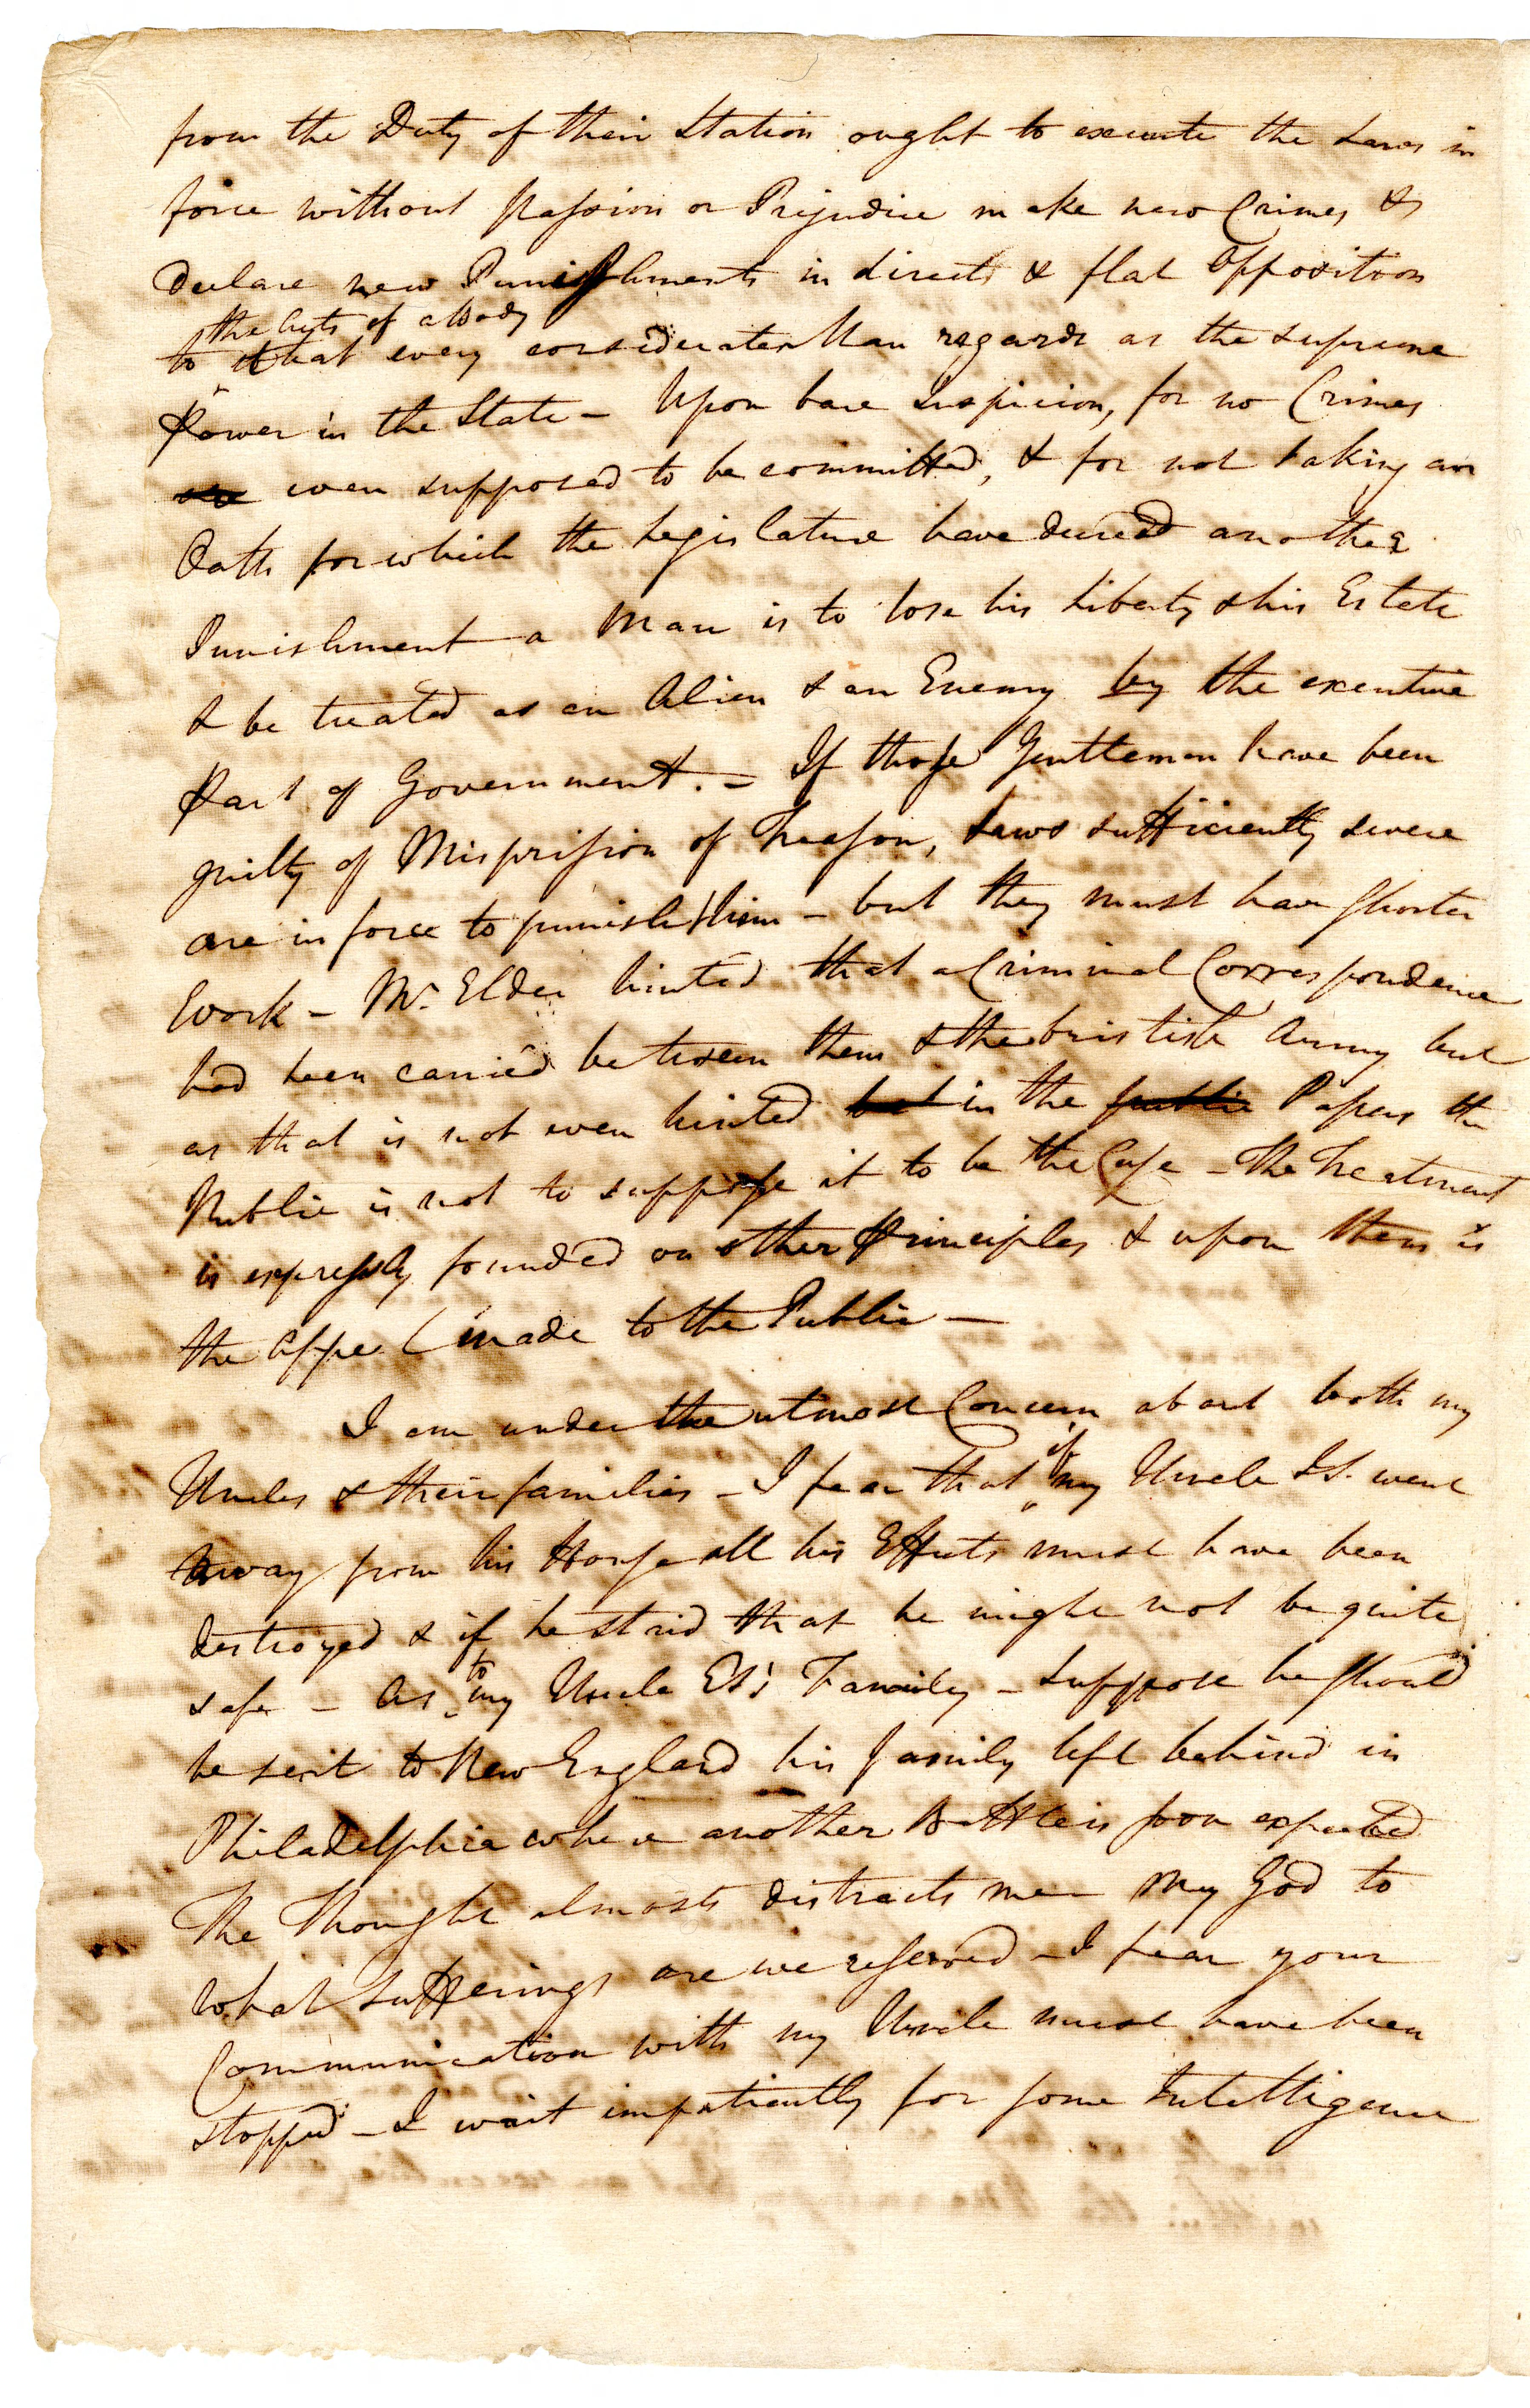from the Duty of their Station ought to execute the Laws in
force without Passion or Prejudice make new Crimes &
declare new Punishments in direct & flat Opposition
the Acts of alsady
to ^ that every consideration Man regards as the supreme
Power in the State- Upon base suspicion, for no Crimes
[_] even supposed to be committed, & for not taking an
Oath for which the Legislature have decreed another
Punishment a Man is to lose his Liberty & his Estate
& be treated as an Alien & an Enemy by the executive
Part of Government.- If those Gentlemen have been
guilty of Misprision of Treason, Laws sufficiently severe
are in force to punish them- but they must have shorter
Work- M^r. Elder hinted that a Criminal Correspondence
had been carried between them & the british Army but
as that is not even hinted but in the public Papers the
Public is not to suppose it to be the Case- The treatment
is expressly founded on other Principles & upon them is
the Offer made to the Public-
I an under the utmost Concern about both my
if
Uncles & their families- I fear that ^ my Uncle &c went
away from his House all his Effects must have been
destroyed & if he staid that he might not be quite
to
safe- As ^ my Uncle El's Family- Suppose he should
be sent to New England his family left behind in
Philadelphia where another Battle is soon expected
The Thought almost distracts me my god to
what sufferings are we reserved- I fear your
Communication with my Uncle must have been
stopped- I wait impatiently for some Intelligence